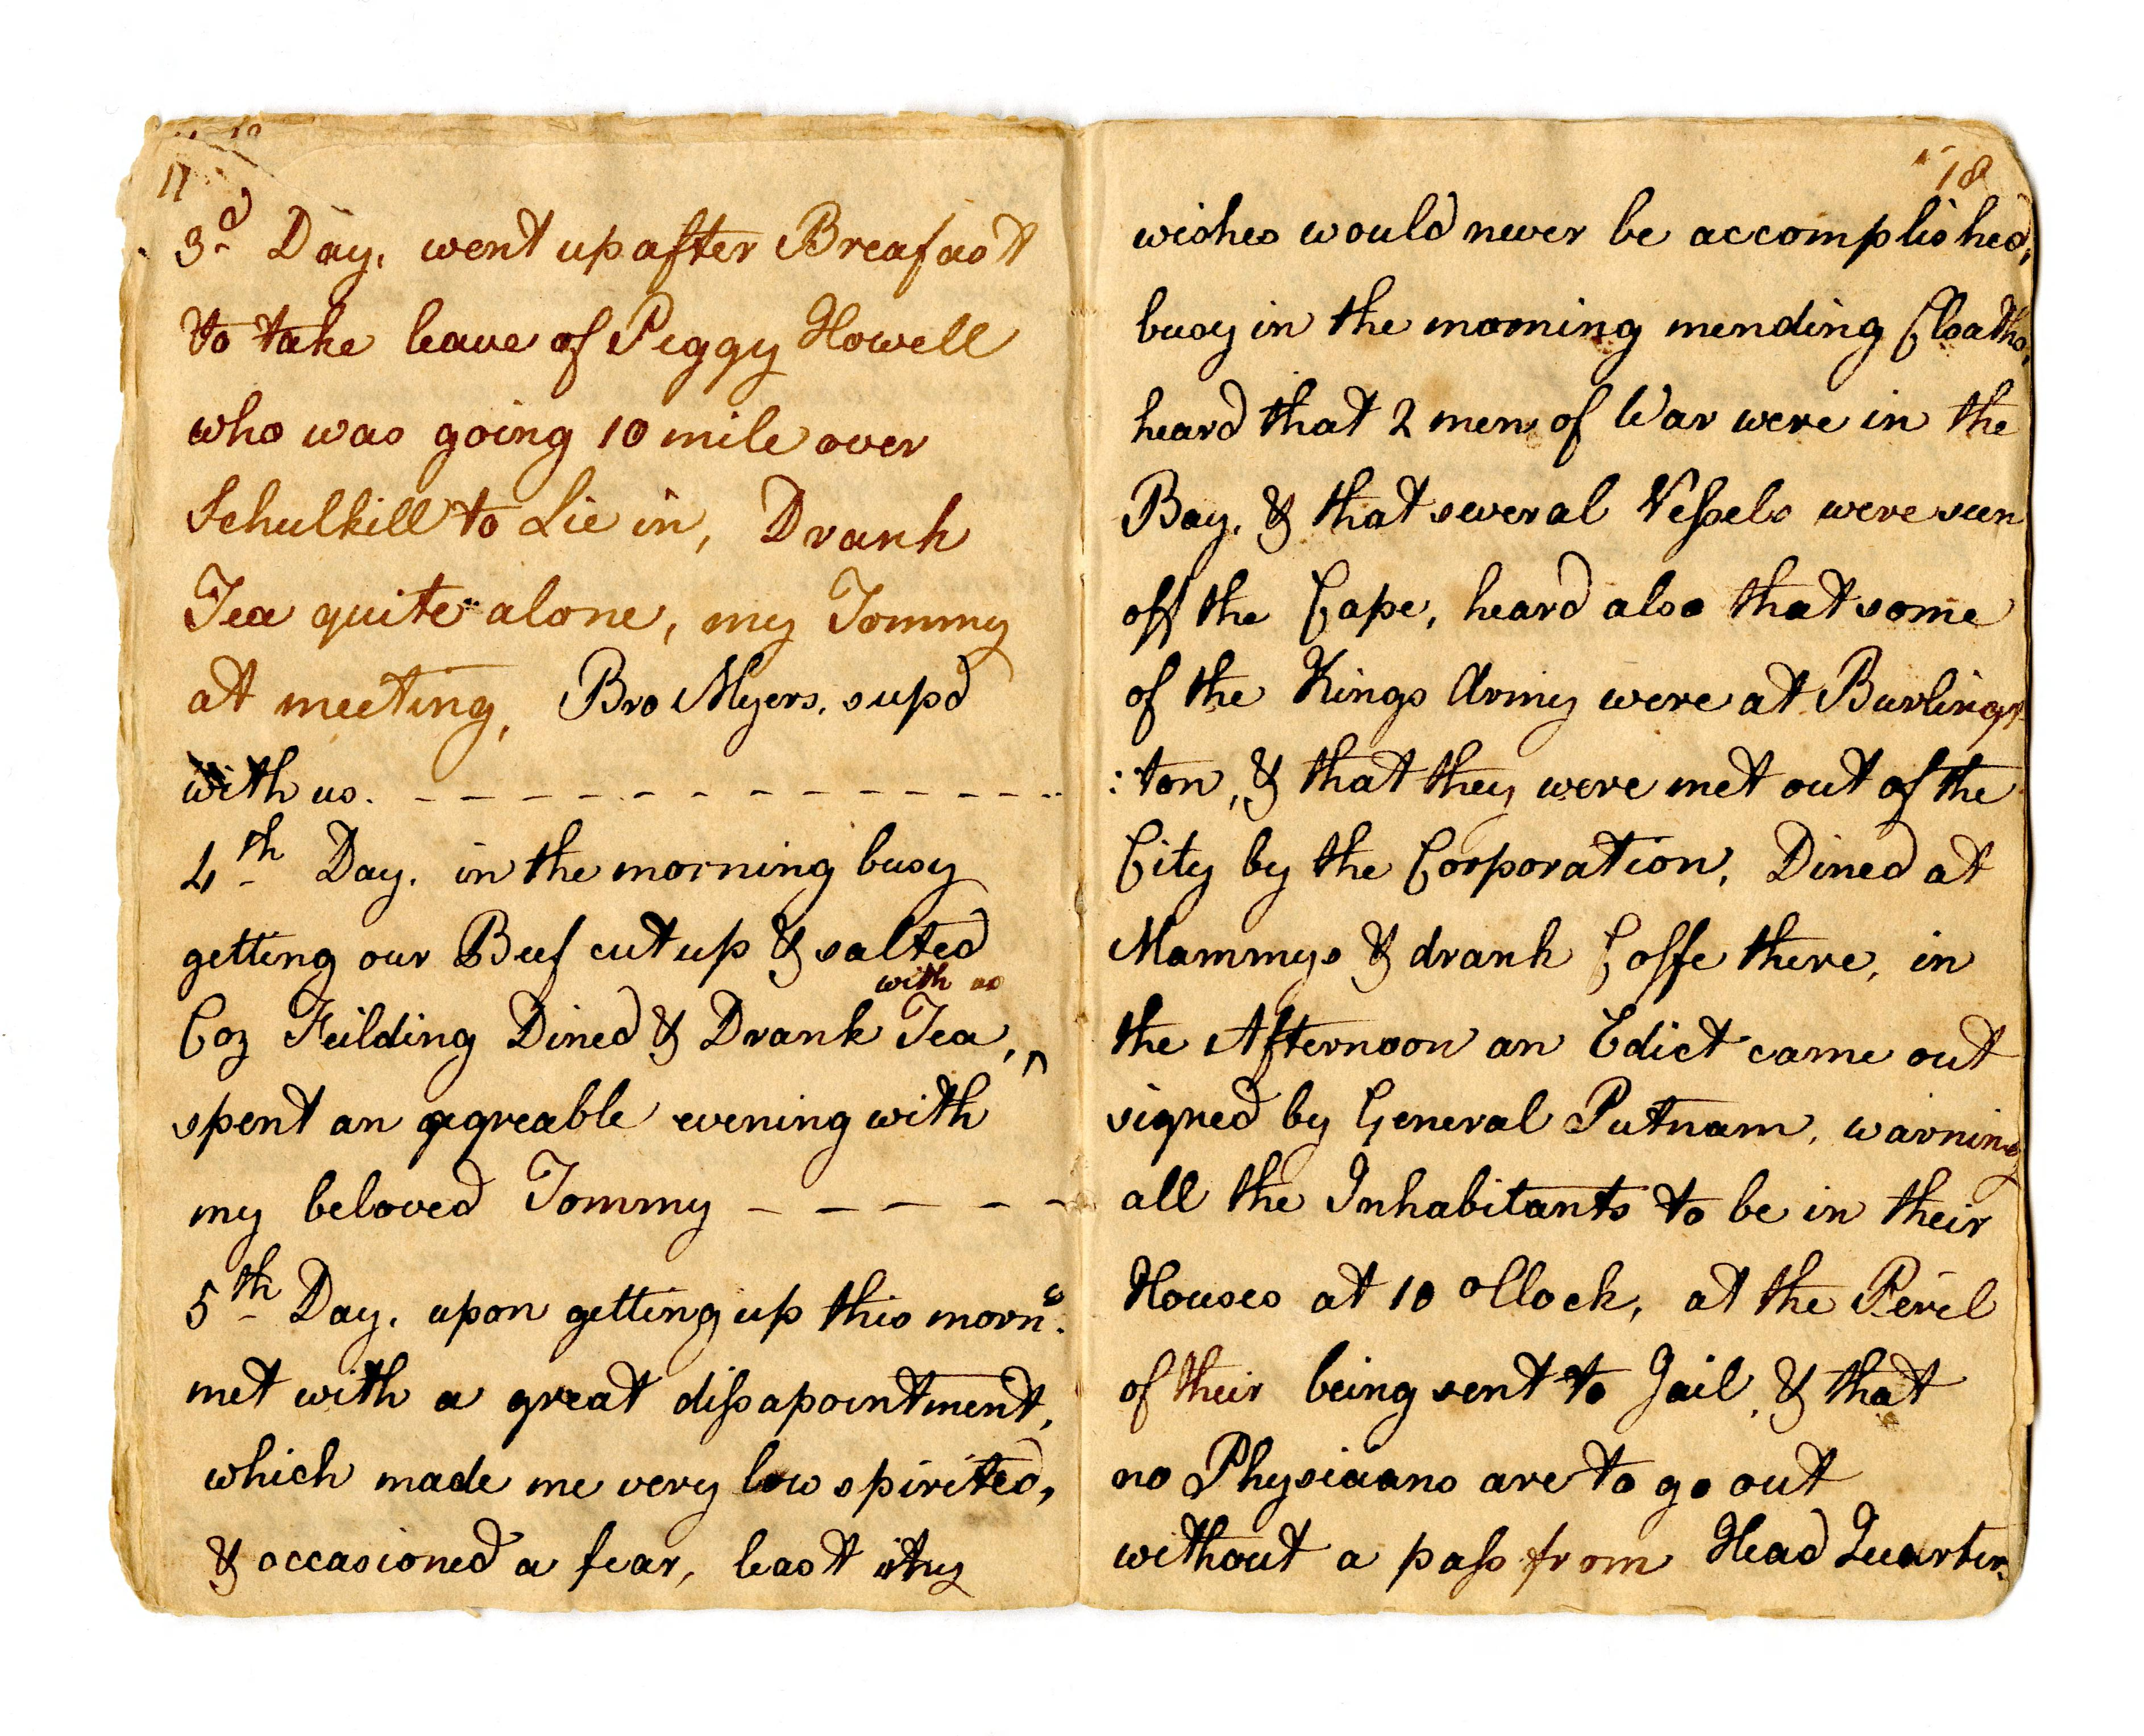17
3^d Day, went up after Breakfast
to take leave of Peggy Howell
who was going 10 mile over
Schulkill to Lie in, Drank
Tea quite alone, my Tommy
at meeting, Bro Myers, supd
with us.-
4^th Day. in the morning busy
getting our Beef cut up & salted
with us
Coz Feilding Dined & Drank Tea, ^
spent an agreable evening with
my beloved Tommy
5^th Day, upon getting up this morn^g.
met with a great dissapointment,
which made me very low spirited,
& occasioned a fear, least thy
18
wishes would never be accomplished,
busy in the morning mending Cloaths
heard that 2 men of War were in the
Bay, & that several Vessels were seen
off the Cape, heard also that some
of the Kings Army were at Burling-
-ton, & that they were met out of the
City by the Corporation, Dined at
Mammys & drank Coffe there, in
the Afternoon an Edict came out
signed by General Putnam, warning
all the Inhabitants to be in their
Houses at 10 ^o Clock, at the Peril
of their being sent to Jail, & that
no Physicians are to go out
without a pass from Head Quarters